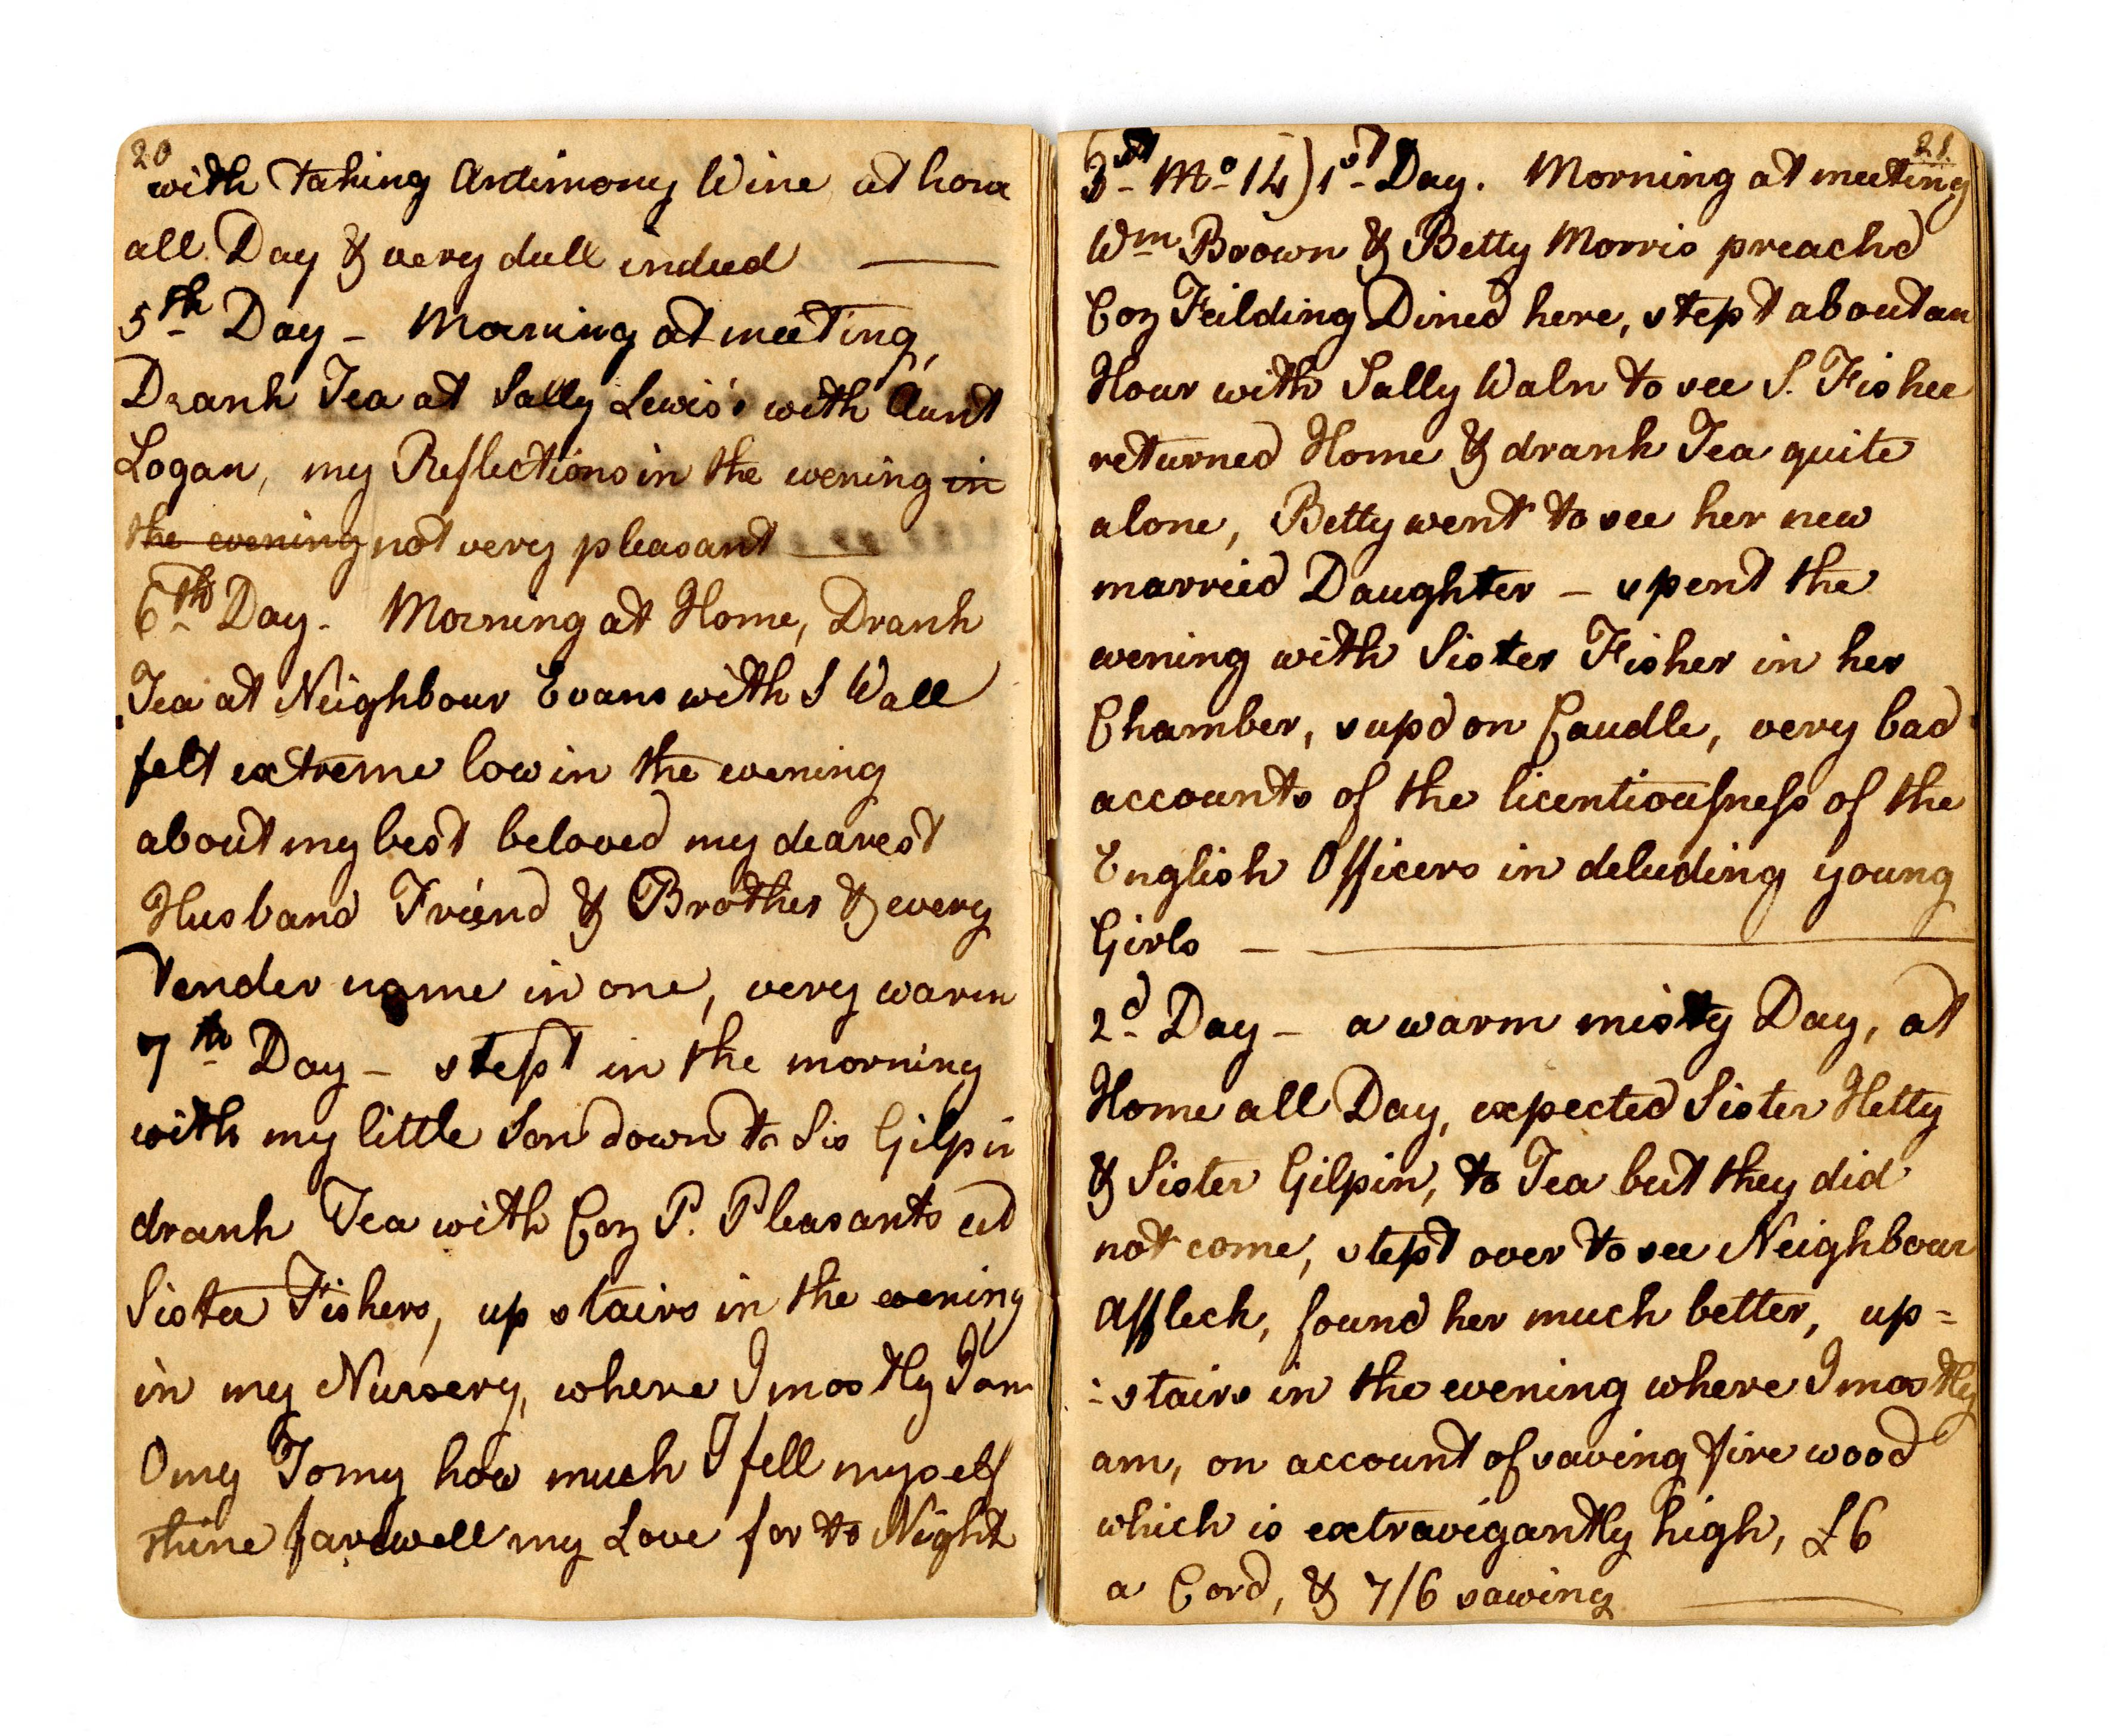20
with taking Ardimony Wine at hora
all Day & very dull indeed-
5^th Day- Morning at meeting,
Dranks Tea at Sally Lewis's with Aunt
Logan, my Reflections in the evening in
the evening not very pleasant-
6^th Day- Morning at Home, Drank
Tea at Neighbour Evans with S Wall
felt extreme low in the evening
about my best beloved my dearest
Husband Friend & Brother & every
tender name in one, very warm
7^th Day- stept in the morning
with my little Son down to Sis Gilpin
drank Tea with Coz P. Pleasants at
Sister Fishers, up stairs in the evening
in my Nursery, where I mostly I am
O my Tomy how much I fell myself
thine farewell my Love for to Night
21
5^th M^o 14) 1^st Day. Morning at meeting
W^m Brown & Betty Morris preachd
Coz Feilding Dined here, stept about an
Hour with Sally Waln to see S. Fisher
returned Home & drank Tea quite
alone, Betty went to see her new
married Daughter- spent the
evening with Sister Fisher in her
Chamber, supd on Caudle, very bad
accounts of the licentiousness of the
English Officers in deluding young
Girls-
2^d. Day- a warm misty Day, at
Home all Day, expected Sister Hetty
& Sister Gilpin, to Tea but they did
not come, stept over to see Neighbour
Affleck, found her much better, up-
-stairs in the evening where I mostly
am, on account of saving fire wood
which is extravigantly high, £6
a Cord, & 7s6 sawing